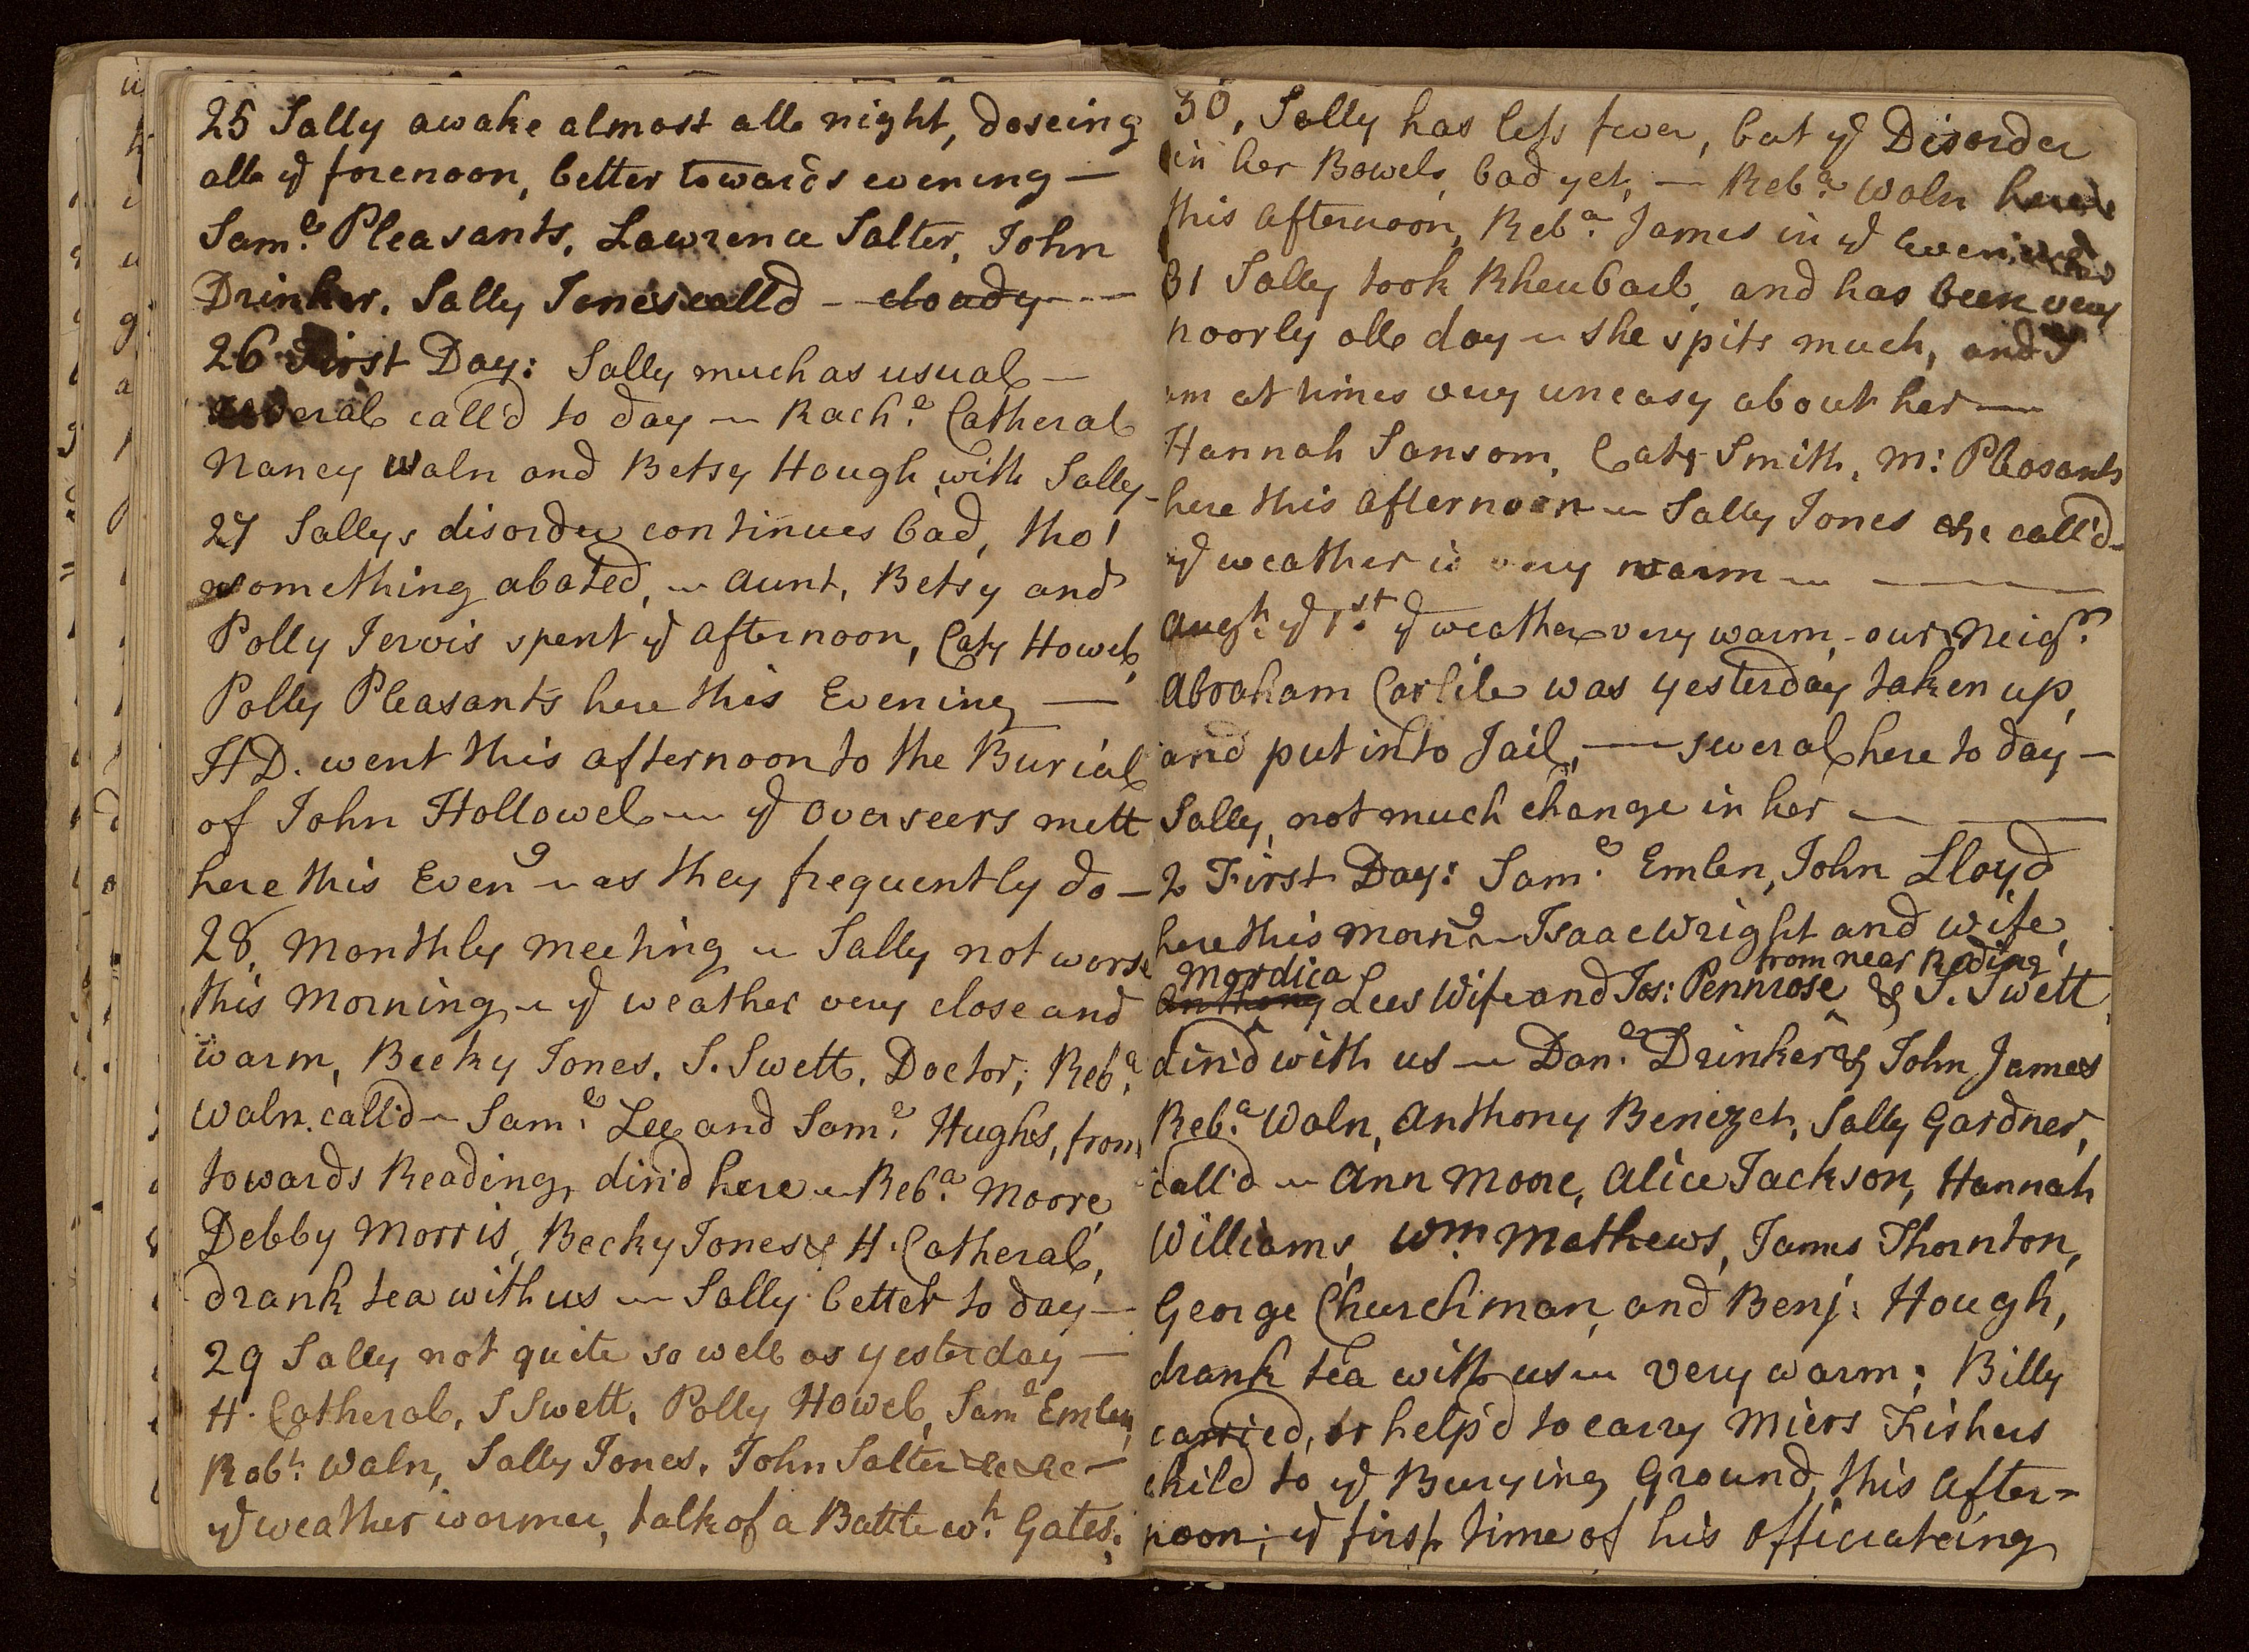25 Sally awake almost all night, doseing
all y^e forenoon, better towards evening-
Sam^l. Pleasants, Lawrence Salter, John
Drinker. Sally Jones calld--cloudy--
26 First Day: Sally much as usual-
several call'd to day- Rach^l Catheral
Nancy Waln and Betsy Hough with Sally-
27 Sallys disorder continues bad, tho'
something abated.- Aunt, Betsy and
Polly Jervis spent y^e afternoon, Caty Howel
Polly Pleasants here this Evening-
HD: went this afternoon to the Burial
of John Hollowel- y^e overseers mett
here this Even^g- as they frequently do-
28 Monthly meeting- Sally not worse
this morning- y^e weather very close and
warm, Becky Jones. S. Swetts, Doctor; Reb,^a
Waln call'd- Sam.^l Lee and Som^l. Hughs, from
towards Reading, din'd here- Reb^a. Moore
Debby Morris, Becky Jones & H. Catheral,
drank tea with us- Sally better to day-
29 Sally not quite so well as yesterday-
H. Catheral, S Swett, Polly Howel, Sam^l Emlen
Rob^t: Waln, Sally Jones. John Salter &c &c-
y^e weather warmer, talk of a Battle w^h. Gates.
30, Sally has less fever, but y^e Disorder
in her Bowels bad yet,- Reb^a. Woln here
this afternoon, Reb^a. James in y^e Evening
31 Sally took Rheubarb, and has been very
poorly all day- she spits much, and I
am at times very uneasy about her-
Hannah Sansom, Caty Smith, M: Pleasants
here this afternoon- Sally Jones &c call'd
y^e weather is very warm- -
Aug.^t y^e 1.^st weather very warm,- our neig.^r
Abraham Carlile was yesterday taken up,
and put into Jail;- several here to day-
Sally, not much change in her-
2 First Day: Sam^l Emlen, John Lloyd
here this morn^g- Isaac Wright and wife,
Mordica
from near Reding
[Anthony] Lees Wife and Jos: Pennrose ^ & S. Swett,
din'd with us- Dan^l. Drinker & John James
Reb^a. Waln, Anthony Benezet, Sally Gardner,
call'd - Ann Moore, Alice Jackson, Hannah
Williams, W^m. Mathews, James Thornton,
George Churchman and Benj. Hough,
drank tea with us- very warm; Billy
carried, or help'd to carry Miers Fishers
child to y^e Burying Ground, this after-
noon; y^e first time of his officiateing